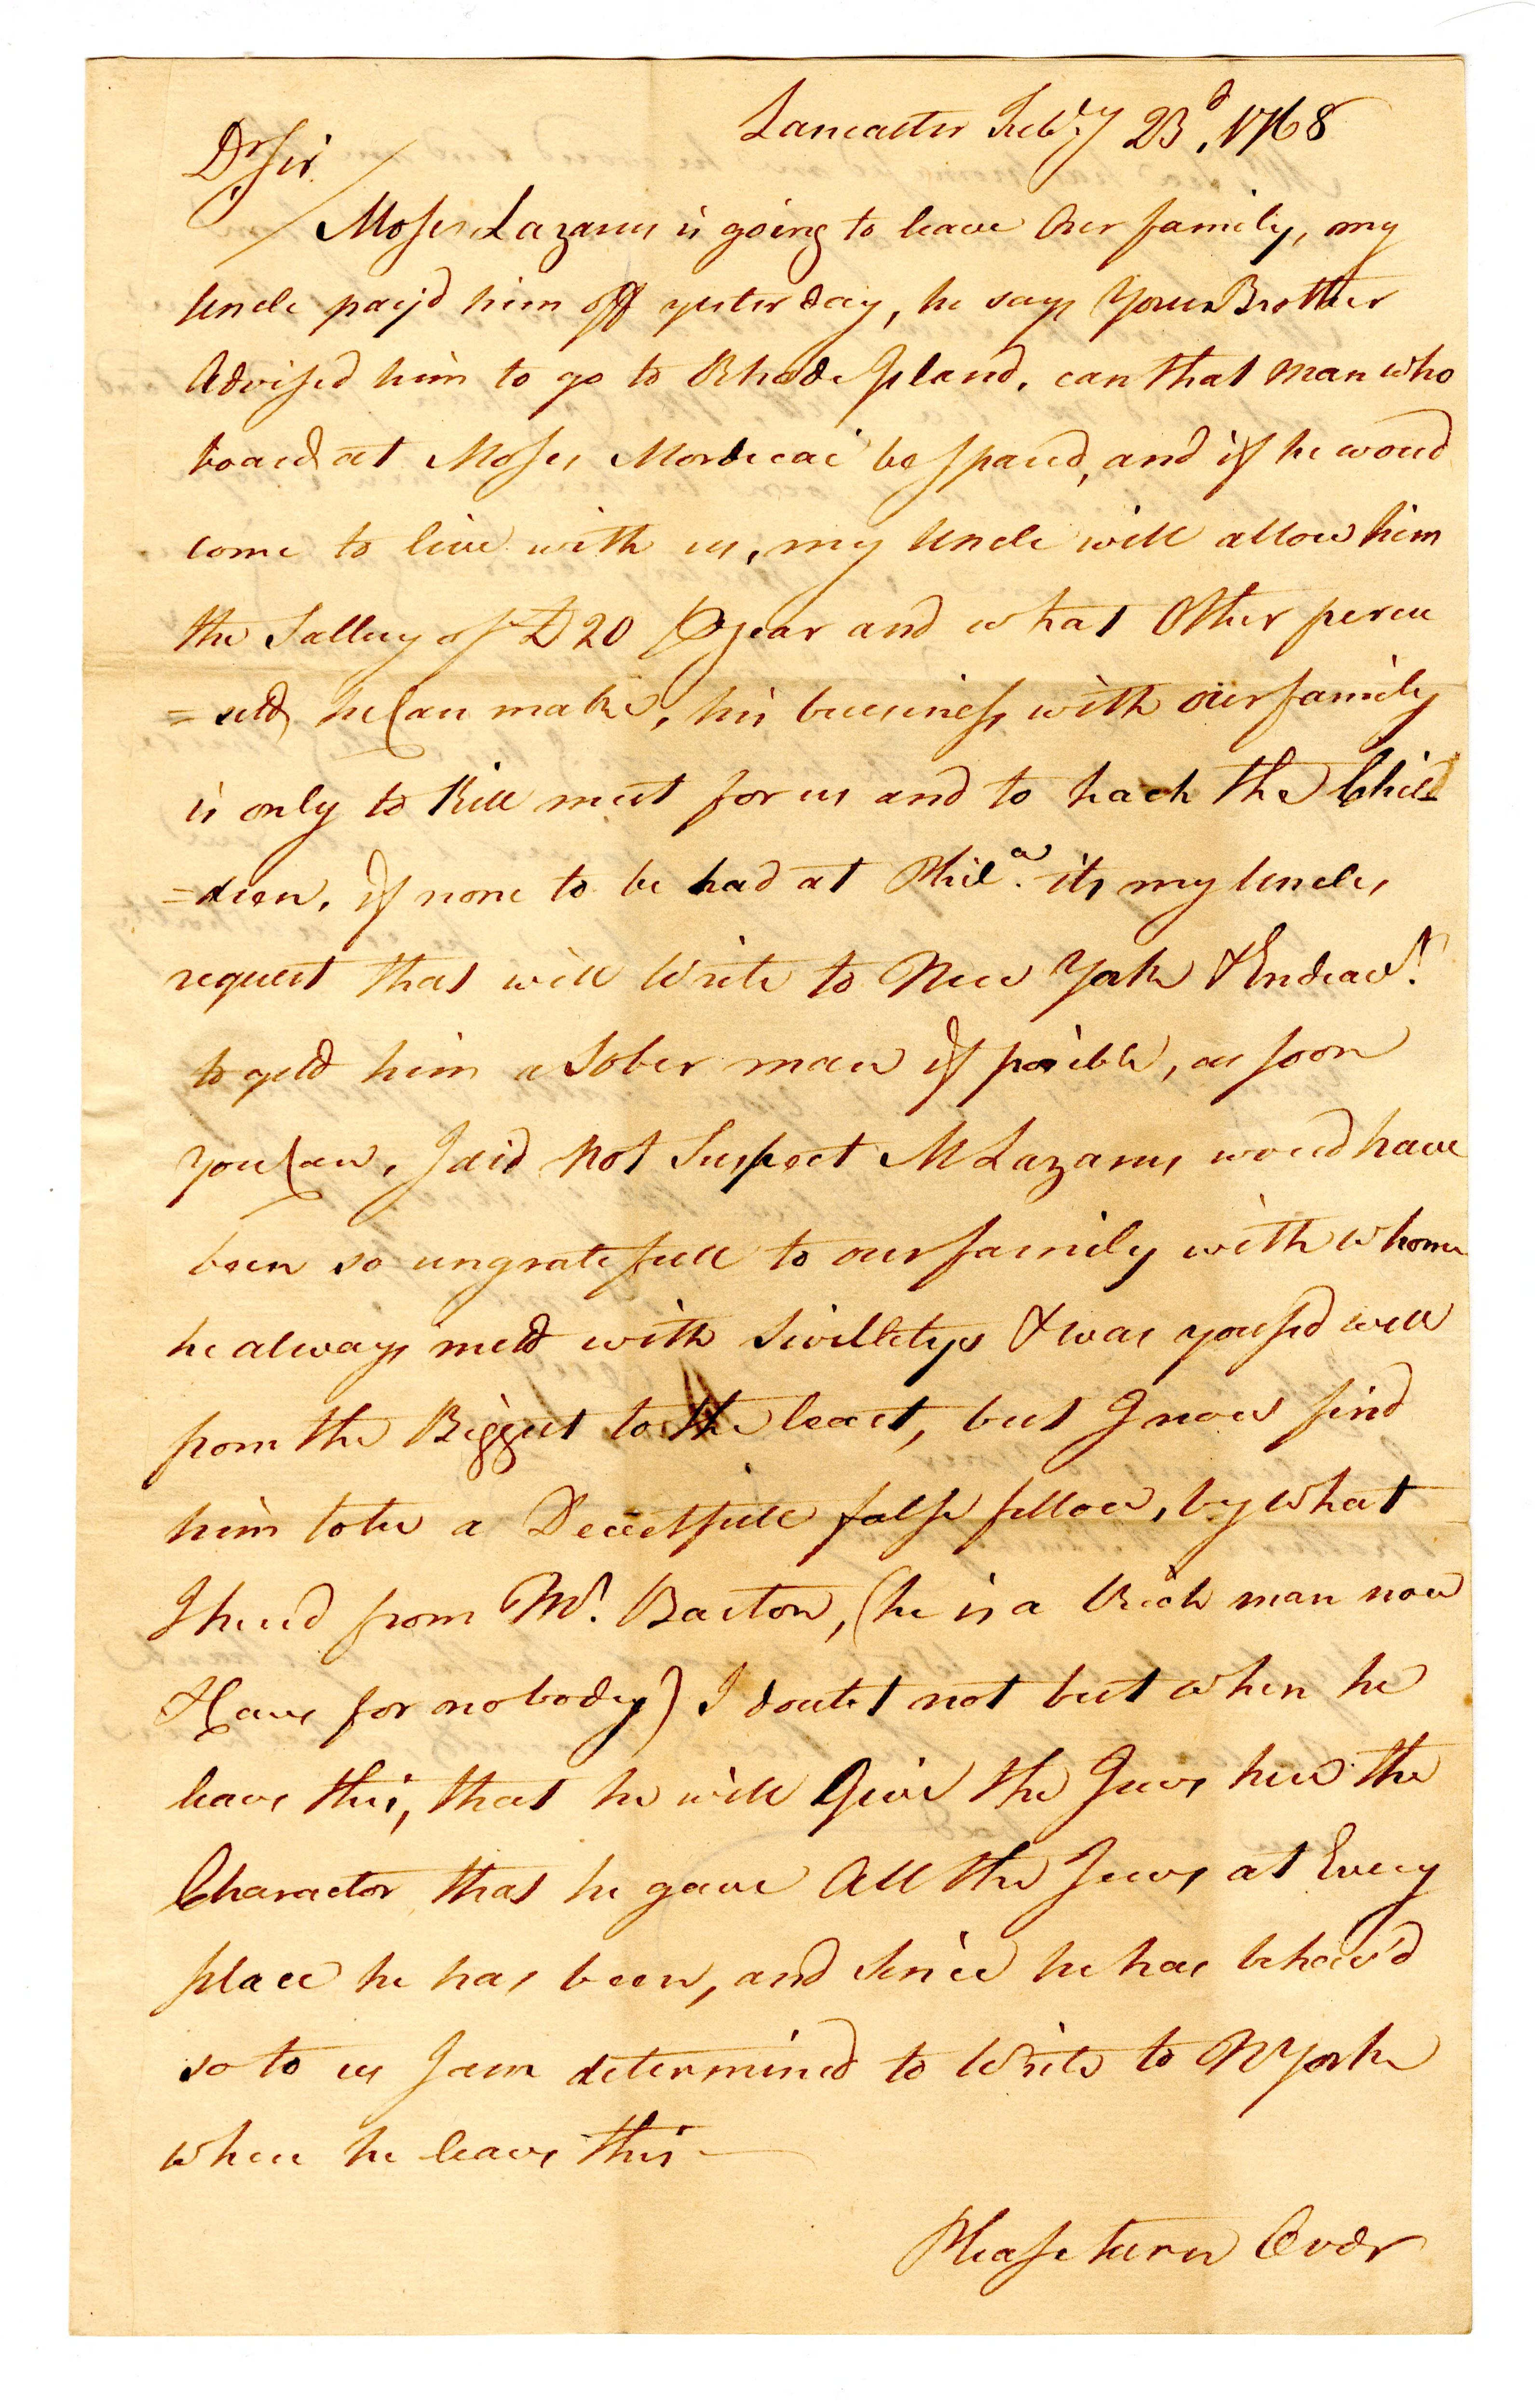Lancaster Feb^y 23^d. 1768
D^r Sir
Moses Lazarus is going to leave her family, my
uncle pay'd him off yesterday, he says your Brother
Advised him to go to Rhode Island, can that man who
board at Moses Mordecai be spared and if he woud
come to live with us, my Uncle will allow him
The Sallary of £20 per year and what other percu-
-seld he can make, his business with our family
is only to kill meet for us and to teach the Chil-
-dren, if none to be had at Phil^a. its my uncle
request that will Write to New York & Endeav^r.
to geld him a sober man if possible, as soon
you Can, I did not Suspect M Lazarus woud have
been so ungratefull to our family with whom
he always metd with Sivilletys & was yoused well
fom the Biggest to the best, but I now find
him to be a Deceitfull false fellow, by what
I heard from M^r. Barton, (he is a Rich man now
a cause for nobody) I doubt not but when he
leave this, that he will give the Jews here the
Character that he gave All the Jews at Every
place he has been, and Since he has behav'd
so to us I am determined to write to N York
where he leaves this-
Please turn over